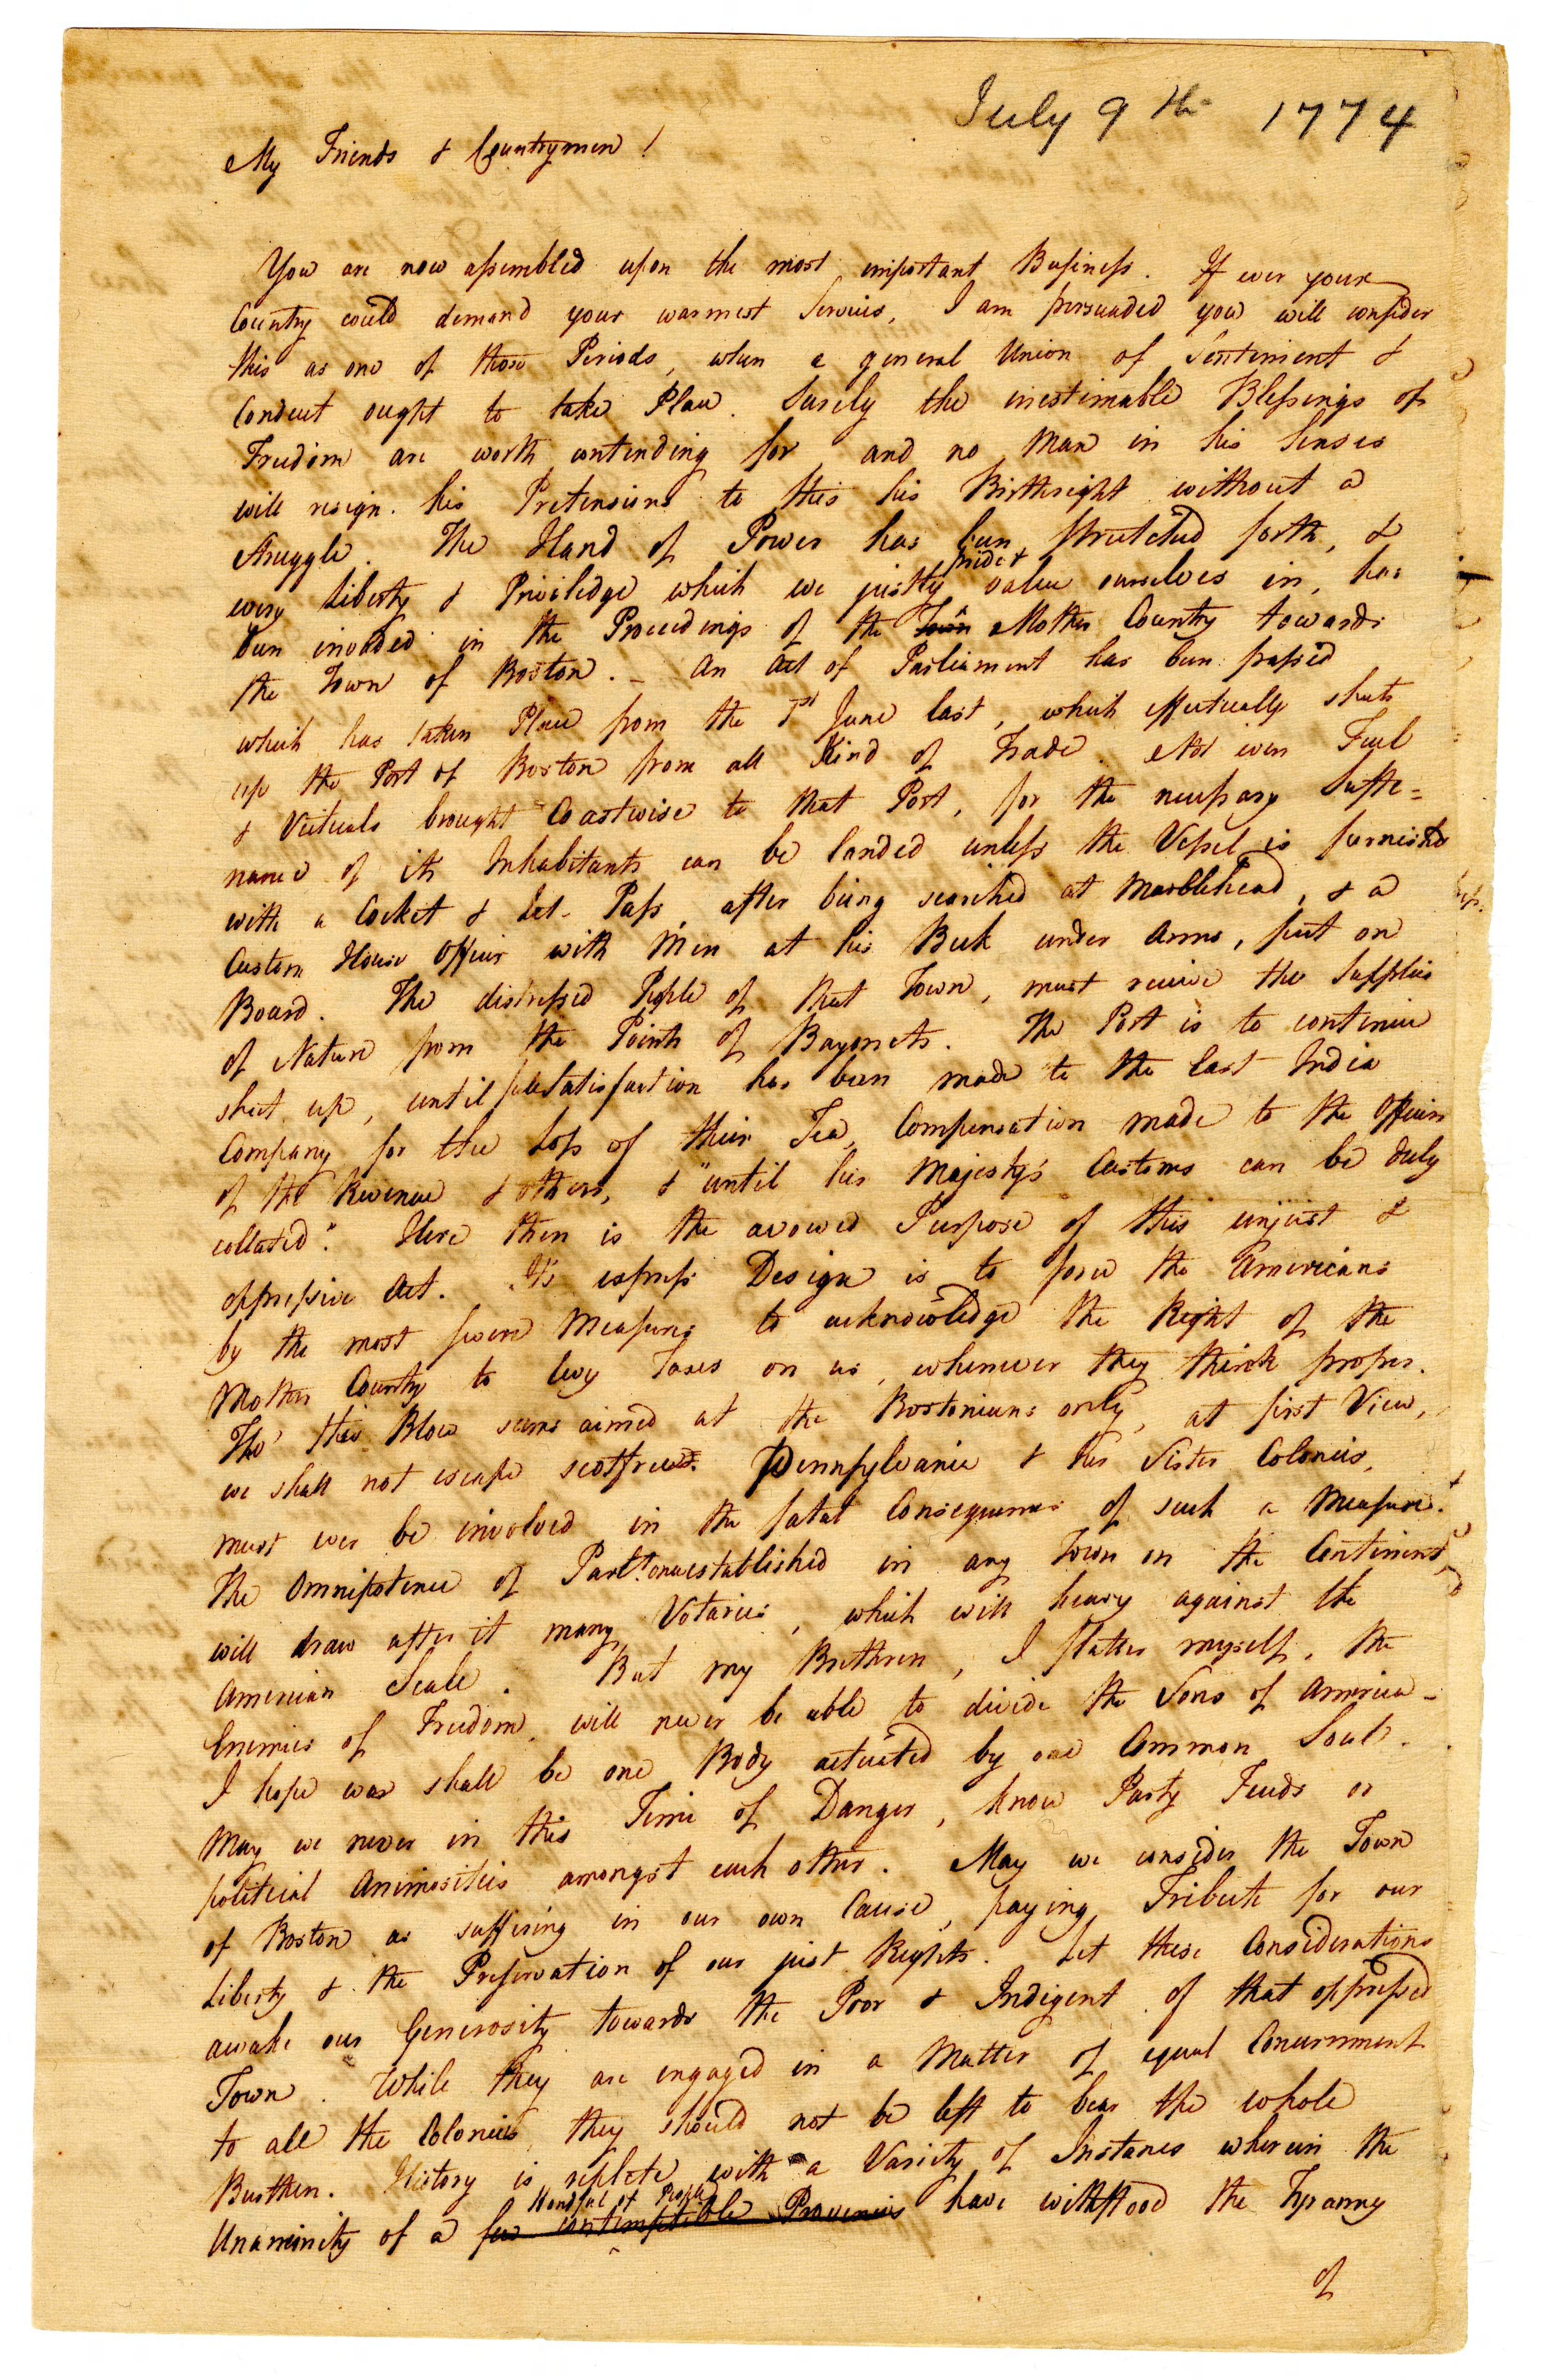July 9^th 1774
My Friends & Countrymen
You are now assembled upon the most important Business. If ever your
Country could demand your warmest Services, I am persuaded you will consider
this as one of those Periods, when a general Union of Sentiment &
Conduct ought to take Place. Surely, the inestimable Blessings of
Freedom are worth contending for and no Man in his Senses
will resign his Pretensions to this his Birthright without a
Struggle. The Hand of Power has been Stretched forth, &
pride &
every Liberty & Priviledge, which we justly ^ value ourselves in, has
Seen invaded in the Proceedings of the Town Mother Country towards
the Town of Boston. An Act of Parliament has been passed
which has taken Place from the 1^st June last, which effectually shut
up the Port of Boston from all Kind of Trade. Not even Fuel
& Victuals brought Coastwise to that Port, for the necessary Suste--
nance of it Inhabitants can be landed unless the Vessel is furnish'd
with a Cocket & let Pass. after being searched at Marblehead, & a
Custom House Officer with Men at his Beck under Arms, put on
Board. The distressed People of Moat Town must receive the Supplies
of Nature from the Points of Bayonets. The Port is to continue
shut up, until satisfaction has been made to the last India
Company for the Loss of their Sea, Compensation made to the Officers
of the Revenue & others, & until his Majesty's Customs can be duly
collated. Here then is the avowed Purpose of this unjust &
oppressive Act. It's express Design is to force the Americans
by the most sworn Measure, to acknowledge the Right of the
Mother Country to levy Taxes on us, whenever they think proper.
Tho' this Blow seems aimed at the Bostonians only at first View,
we shall not escape scotfreed. Pennsylvania & her Sister Colonies
must ever be involved in the fatal Consequence of such a Measure.
The Omnipotence of Parl^t once established in any Town in the Continent
will draw after it many Votaries, which will heavy against the
American Scale. But my Brethren, I flatter myself, the
Enemies of
Freedom will never be able to divide the Sons of America
I hope was shall be one Body actuated by one Common Soul.
May we never in this Time of Danger know Party Feuds or
political Animosities amongst each other. May we consider the Town
of Boston as suffering in our own Cause, paying Tribute for our
Liberty & the Preservation of our just Rights. Let these Considerations
awake our Generosity towards the Poor & Indigent of that oppressed
Town. While they are engaged in a Matter of equal Conurmment
to all the Colonies, they should not be left to bear the whole
Burthen. History is replete with a Variety of Instances wherein the
Handful of People
Unaminity of a [few contemptible Provinces] ^ have withstood the Tyranny
of